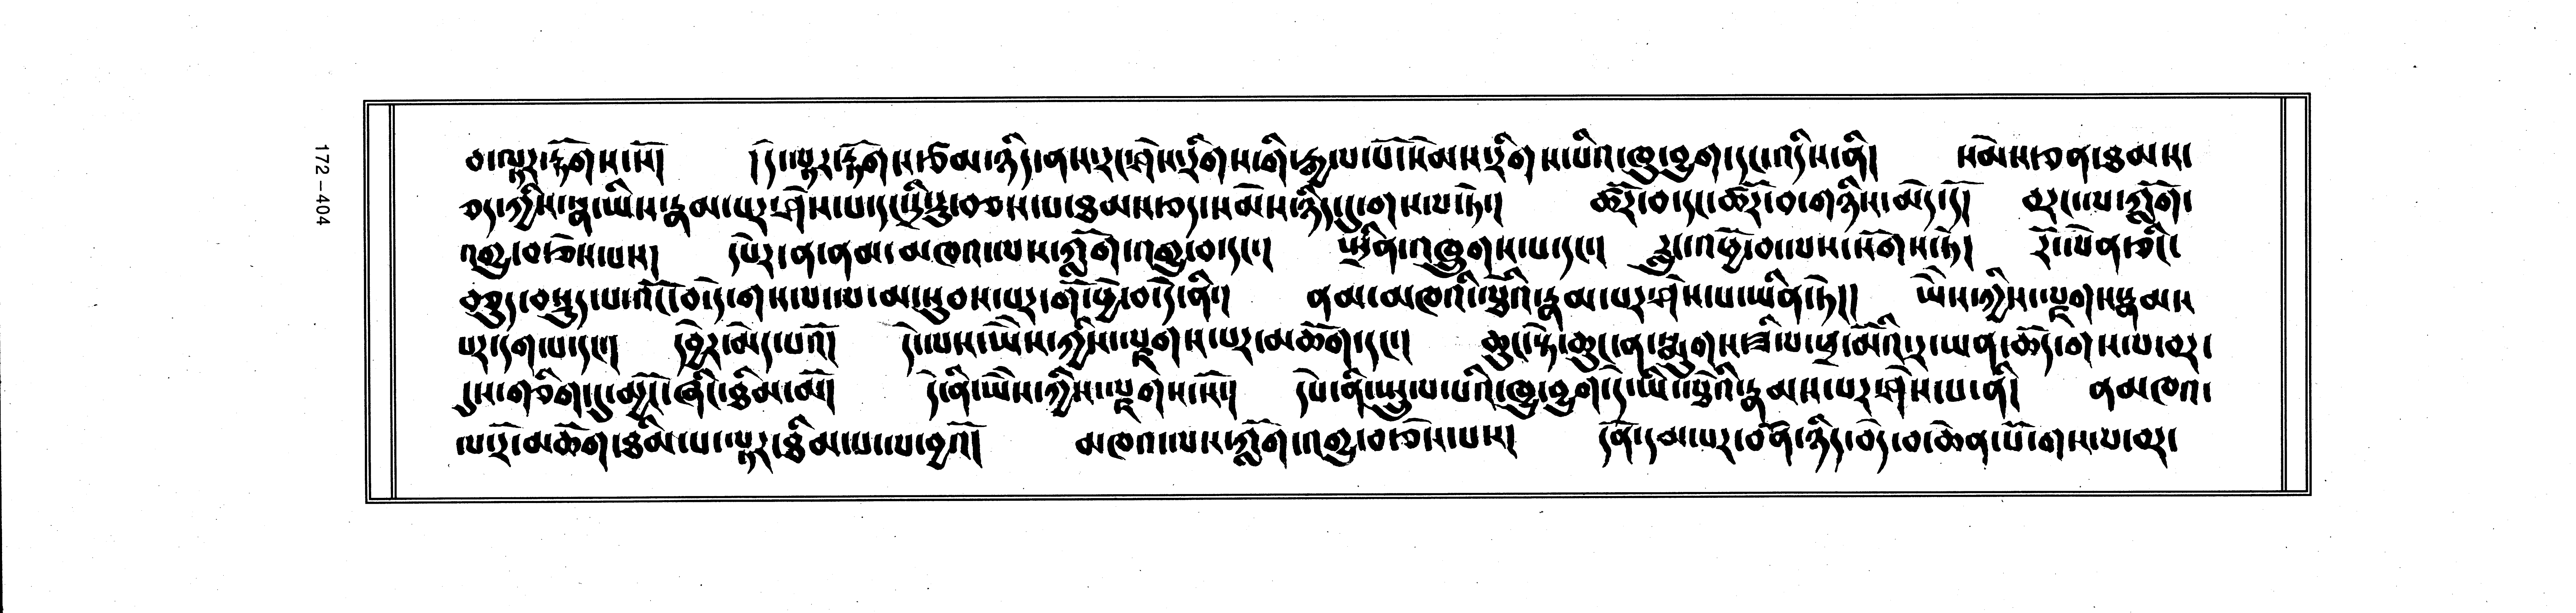བ་ལྟར་རྟོགས་སོ། དེ་ལྟར་རྟོགས་ཙམ་ཉིད་ནས་རང་ཤེས་རིགས་གི་རྒྱལ་པོ་སེམས་རིག་པའི་ཁུ་བྱུག་དང་འདིས་ནི། སེམས་ཅན་ཐམས་
ཅད་ཀྱིས་སྣ་ཡིས་རྣམ་པར་ཤེས་པ་དང་དྲི་རུ་བཅས་པ་ཐམས་ཅད་སེམས་ཉིད་དུ་གསལ་ཏེ། ཚོར་བ་དང་ཚོར་བ་གཉིས་མེད་དོ། བར་སྣང་ལ་གློག་
འགྱུ་བ་ཅེས་པས། དཔེར་ན་ནམ་མཁའ་ལས་གློག་འགྱུ་བ་དང་། སྤྲིན་འཁྲུགས་པ་དང་། རླུང་འཕྱོ་བ་ལས་སོགས་ཏེ། རོ་ལེན་ཅིང་
བཅུད་བསྡུད་པ་འོང་བ་དེ་གསལ་ལ་མ་སུབས་པར་གོ་ཕྱེ་བ་དེ་ནི། ནམ་མཁའི་ལྕེའི་རྣམ་པར་ཤེས་པ་ཡིན་ཏེ། ཡེ་ཤེས་ཀྱིས་ལྗགས་རྣམ་
པར་དག་པ་དང་། དབྱེར་མེད་པའོ། དེ་ལས་ཡེ་ཤེས་ཀྱིས་ལྗགས་པར་མཆོག་དང་། ཆུང་སྟེ་ཆུང་ན་སྨུགས་ཟིལ་ཕྲ་མོའི་ར་ཡན་ཆོད་གསལ་བར་
དུས་གཅིག་དུ་མྱོང་ཞིང་ཐིམ་མོ། དེ་ནི་ཡེ་ཤེས་ཀྱིས་ལྗགས་སོ། དཔེ་ནི་སྤྲུལ་པའི་ཁྱུ་བྱུག་དེ་ཡི་ལྕེའི་རྣམ་པར་ཤེས་པ་ནི། ནམ་མཁའ་
ལ་རོ་མཆོག་ཐིམ་པར་ལྟར་ཐིམ་པ་ལ་བྱའོ། མཁའ་ལས་གློག་འགྱུ་བ་ཅེས་པས། དོན་དམ་པར་བོན་ཉིད་བདེ་བ་ཆེན་པོ་གསལ་བར་